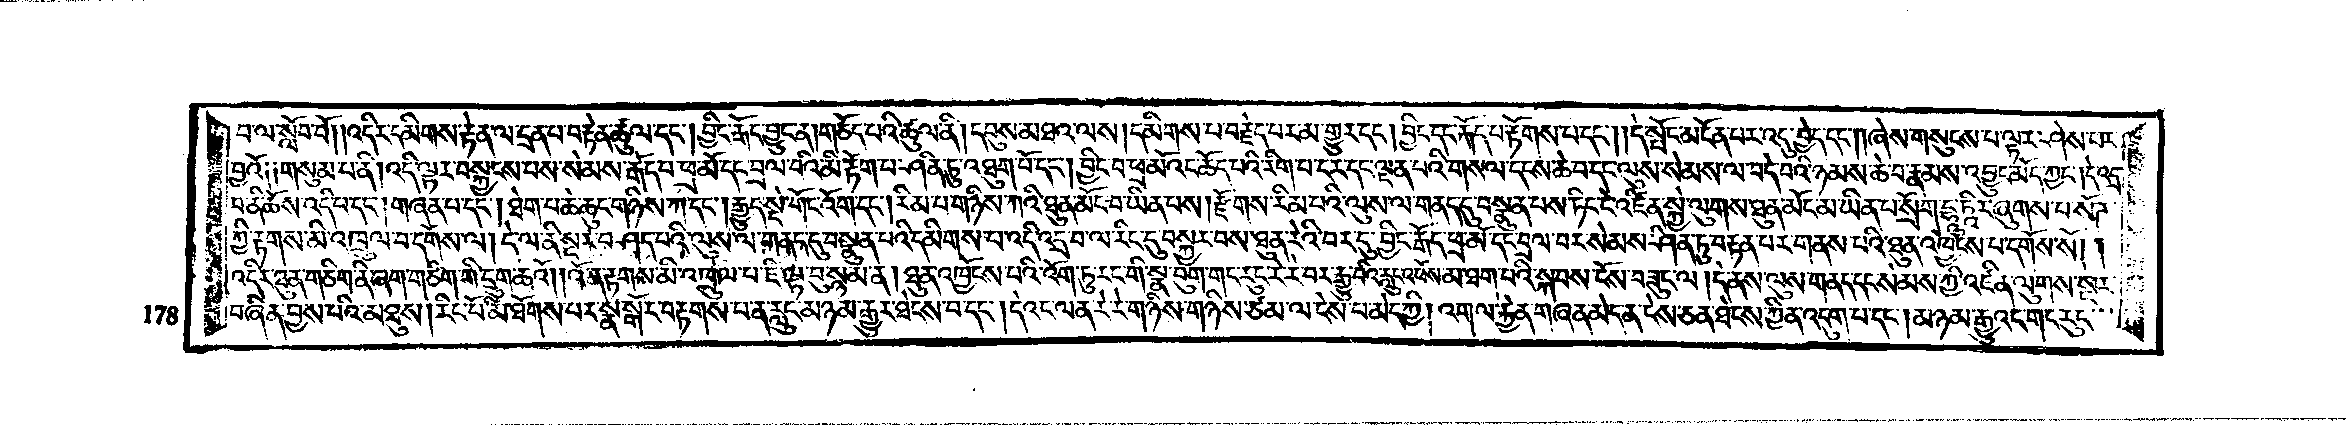བ་ལ་སློབ་བོ། །འདིར་དམིགས་རྟེན་ལ་དྲན་པ་བརྟེན་ཚུལ་དང་། བྱིང་རྒོད་བྱུང་ན། གཅོད་པའི་ཚུལ་ནི། དབུས་མཐའ་ལས། དམིགས་པ་བརྗེད་པར་མ་གྱུར་དང་། བྱིང་དང་རྒོད་པ་རྟོགས་པ་དང་། །དེ་སྤོང་མངོན་པར་འདུ་བྱེད་དང་། །ཞེས་གསུངས་པ་ལྟར་ཤེས་པར་
བྱའོ། །གསུམ་པ་ནི། འདི་ལྟར་བསྐྱངས་པས་སེམས་རྒོད་པ་ཕྲ་མོ་དང་བྲལ་བའི་མི་རྟོག་པ་ཤིན་ཏུ་འཐུག་པོ་དང་། བྱིང་བ་ཕྲ་མོའང་ཆོད་པའི་རིག་པ་དར་དང་ལྡན་པའི་གསལ་དངས་ཆེ་བ་དང་ལུས་སེམས་ལ་བདེ་བའི་ཉམས་ཆེ་བ་རྣམས་འབྱུང་མོད་ཀྱང་། དེ་འདྲ་
བ་ནི་ཆོས་འདི་པ་དང་། གཞན་པ་དང་། ཐེག་པ་ཆེ་ཆུང་གཉིས་ཀ་དང་། རྒྱུད་སྡེ་གོང་འོག་དང་། རིམ་པ་གཉིས་ཀའི་ཐུན་མོང་བ་ཡིན་པས། རྫོགས་རིམ་པའི་ལུས་ལ་གནད་དུ་བསྣུན་པས་ཏིང་ངེ་འཛིན་སྐྱེ་ལུགས་ཐུན་མོང་མ་ཡིན་པ་སྲོག་དྷཱུ་ཏཱིར་ཞུགས་པ་སོགས་
ཀྱི་རྟགས་མི་འཁྲུལ་བ་དགོས་ལ། དེ་ལ་ནི་སྔར་བཤད་པའི་ལུས་ལ་གནད་དུ་བསྣུན་པའི་དམིགས་པ་འདི་འདྲ་བ་ལ་རིང་དུ་བསྐྱང་བས་ཐུན་རེའི་བར་དུ་བྱིང་རྒོད་ཕྲ་མོ་དང་བྲལ་བར་སེམས་ཤིན་ཏུ་བརྟན་པར་གནས་པའི་ཐུན་འཁྱོངས་པ་དགོས་སོ། །
འདིར་ཐུན་གཅིག་ནི་ཞག་གཅིག་གི་དྲུག་ཆའོ། །འོ་ན་རྟགས་མི་འཁྲུལ་པ་ཇི་ལྟར་བུ་སྙམ་ན། ཐུན་འཁྱོངས་པའི་འོག་ཏུ་རང་གི་སྣ་བུག་གང་རུང་རེ་རེ་བར་རྒྱུ་བའི་རླུང་འཕོས་མ་ཐག་པའི་སྐབས་ངོས་བཟུང་ལ། དེ་ནས་ལུས་གནད་དང་སེམས་ཀྱི་འཛིན་ལུགས་སྔར་
བཞིན་བྱས་པའི་མཐུས། རིང་པོ་མི་ཐོགས་པར་སྣ་སྒོར་བརྟགས་པ་ན་རླུང་མཉམ་རྒྱུར་ཐེངས་པ་དང་། དེའང་ལན་རེ་རེ་གཉིས་གཉིས་ཙམ་ལ་ངེས་པ་མེད་ཀྱི། འགལ་རྐྱེན་གཞན་མེད་ན་ངེས་ཅན་ཐེངས་ཀྱིན་འདུག་པ་དང་། མཉམ་རྒྱུའང་གང་རུང་